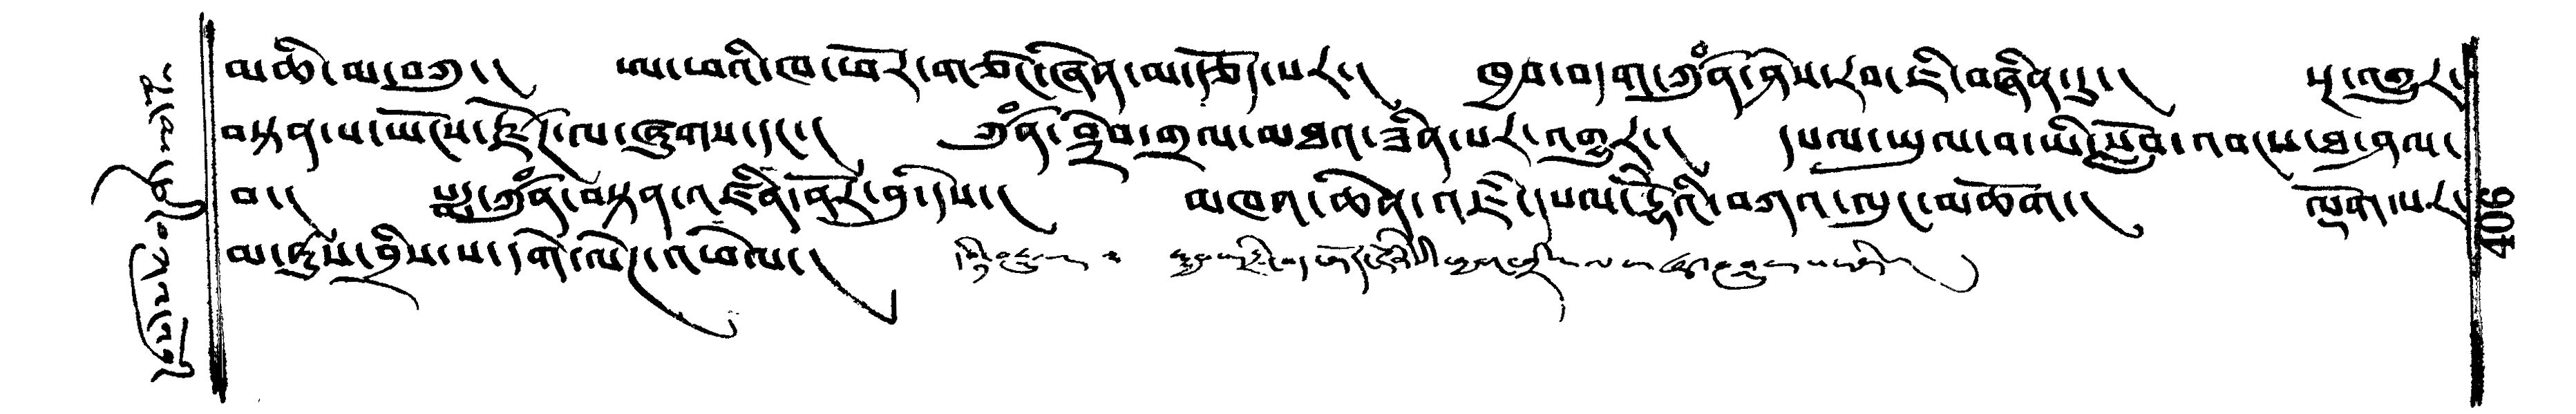མཆི་མ་བཀུ། །ཨ་ཕའི་ཁ་ཕོར་གཙང་ཞེན་མ་རྩོད་པར། ཁྱབ་བདག་ཀུན་བཟང་ཤེས་རབ་ཇི་བཞིན་དུ། །སྔ་འགྱུར་
བསྟན་པ་ཡོངས་རྫོགས་ལ་ཞུགས་དང་། །ཀུན་བཟང་ཤེས་རབ་གྲལ་མཐའ་ཟིན་པར་འགྱུར། །དཔལ་ཡུལ་བ་ཡི་སློབ་འབངས་ཐ་ཤལ་
བ། པདྨ་ཀུན་བཟང་བསྟན་འཛིན་ནོར་བུ་དེས། །མཁན་ཆེན་འཇམ་དཔལ་རྡོ་རྗེའི་བཀའ་ལུང་མཆོག །ལྡོག་པར་
མ་ནུས་བྲིས་པ་དགེ་ལེགས་འཕེལ། དཔེ་གཅིག་བརྒྱུད། ༈ སྐྱབས་རྗེ་པད་ནོར་རིན་པོ་ཆེའི་ཕྱག་བྲིས་ལས་ཞལ་བཤུས་པ་དགེ།།